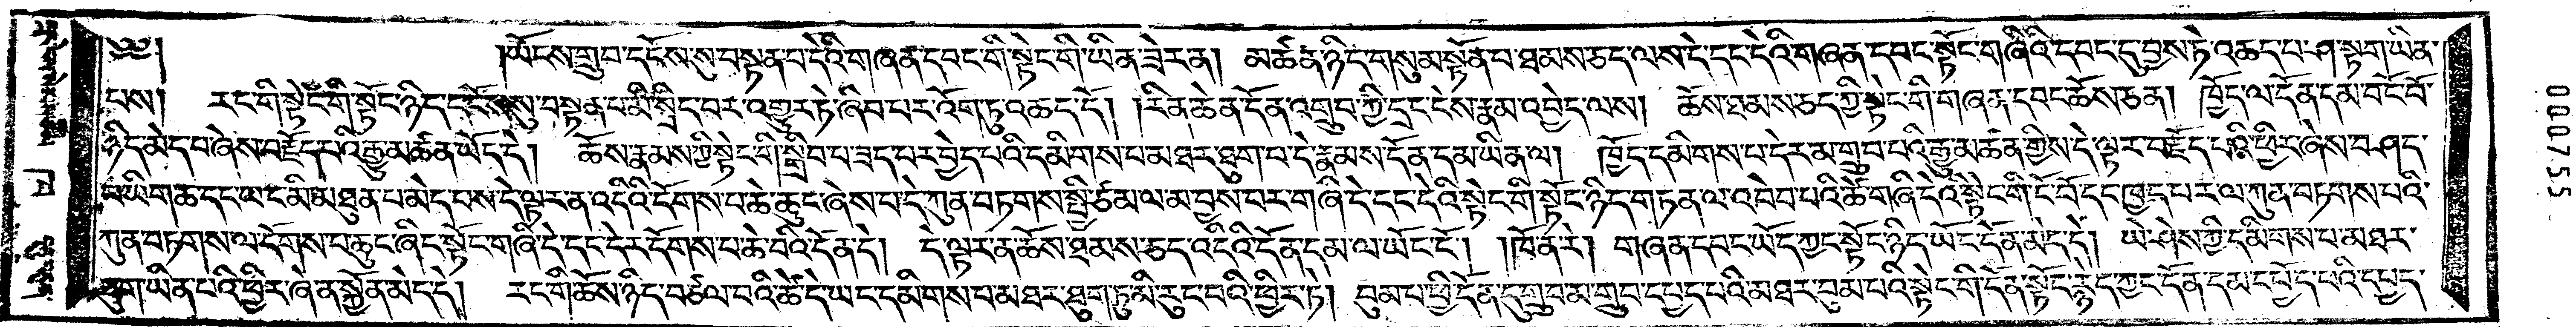༄༅། །ཡོངས་གྲུབ་དངོས་སུ་བསྟན་པ་དེའི་གཞན་དབང་གི་སྟེང་གི་ཡིན་ཟེར་ན། མཚན་ཉིད་གསུམ་སྟོན་པ་ཐམས་ཅད་ལས་དེ་དང་དེའི་གཞན་དབང་སྟོང་གཞིའི་དབང་དུ་བྱས་ཏེ་འཆད་པ་ཤ་སྟག་ཡིན་
པས། རང་གི་སྟེང་གི་སྟོང་ཉིད་དངོས་སུ་བསྟན་པ་མི་སྲིད་པར་འགྱུར་ཏེ་ཞིབ་པར་འོག་ཏུ་འཆད་དོ། །རིན་ཆེན་དོན་འགྲུབ་ཀྱི་དྲང་ངེས་རྣམ་འབྱེད་ལས། ཆོས་ཐམས་ཅད་ཀྱི་སྟེང་གི་གཞན་དབང་ཆོས་ཅན། ཁྱོད་ལ་དོན་དམ་པ་ངོ་བོ་
ཉིད་མེད་པ་ཞེས་བརྗོད་པའི་རྒྱུ་མཚན་ཡོད་དེ། ཆོས་རྣམས་ཀྱི་སྟེང་གི་སྒྲིབ་པ་ཟད་པར་བྱེད་པའི་དམིགས་པ་མཐར་ཐུག་པ་དེ་རྣམས་དོན་དམ་ཡིན་ལ། ཁྱོད་དམིགས་པ་དེར་མ་གྲུབ་པའི་རྒྱུ་མཚན་གྱིས་དེ་ལྟར་བརྗོད་པའི་ཕྱིར་ཞེས་བཤད་
པ་ཡིག་ཆ་དང་ཡང་མི་མཐུན་པ་མེད་པས་དེ་ལྟར་ན་འདིའི་དོགས་པ་ཆེ་ཆུང་ཞེས་པ་དེ་ཀུན་བཏགས་སྤྱི་ཙམ་ལ་མ་བྱས་པར་གཞི་དེ་དང་དེའི་སྟེང་གི་སྟོང་ཉིད་གཏན་ལ་འབེབ་པའི་ཚེ་གཞི་དེའི་སྟེང་གི་ངོ་བོ་དང་ཁྱད་པར་ལ་ཀུན་བཏགས་པའི་
ཀུན་བཏགས་ལ་དོགས་པ་ཆུང་ཞིང་སྟོང་གཞི་དེ་དང་དེར་དོགས་པ་ཆེ་བའི་དོན་དེ། དེ་ལྟར་ན་ཆོས་ཐམས་ཅད་འདིའི་དོན་དམ་ལ་ཡོང་ངོ། །ཁོ་ན་རེ། གཞན་དབང་ཡོད་ཀྱང་སྟོང་ཉིད་ཡོང་དོན་མེད་དེ། ཡེ་ཤེས་ཀྱི་དམིགས་པ་མཐར་
ཐུག་ཡིན་པའི་ཕྱིར་ཞེ་ན་སྐྱོན་མེད་དེ། རང་གི་ཆོས་ཉིད་བཙལ་བའི་ཚེ་དེ་ཡང་དམིགས་པ་མཐར་ཐུག་ཏུ་མི་རུང་བའི་ཕྱིར་ཏེ། བུམ་པ་ཕྱི་དོན་དུ་གྲུབ་མ་གྲུབ་དཔྱད་པའི་མཐར་བུམ་པའི་སྟེང་གི་དོན་སྟོང་རྙེད་ཀྱང་དོན་དམ་དཔྱོད་པའི་དཔྱད་